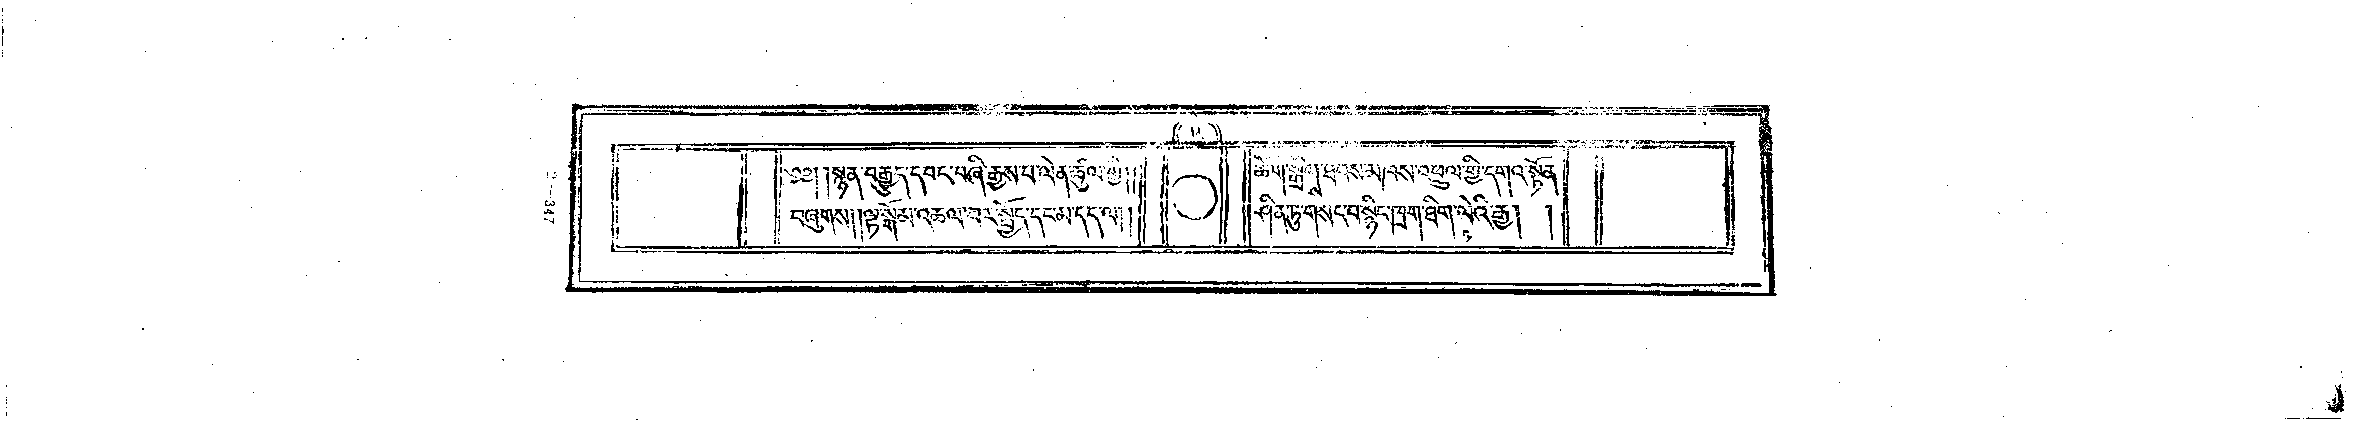༄༅། །སྙན་བརྒྱུད་དབང་བཞི་རྒྱས་པ་ལེན་ཚུལ་གྱི།། ཆོག་སྒྲིགས་ཐབས་མཁས་འཕྲུལ་གྱི་དགའ་སྟོན་
བཞུགས། །ལྟ་སྒོམ་འཆལ་བར་སྤྱོད་དང་མ་དད་ལ།། ཤིན་ཏུ་གསང་བ་སྙིང་ཁྲག་ཐིག་ལེའི་རྒྱ། །